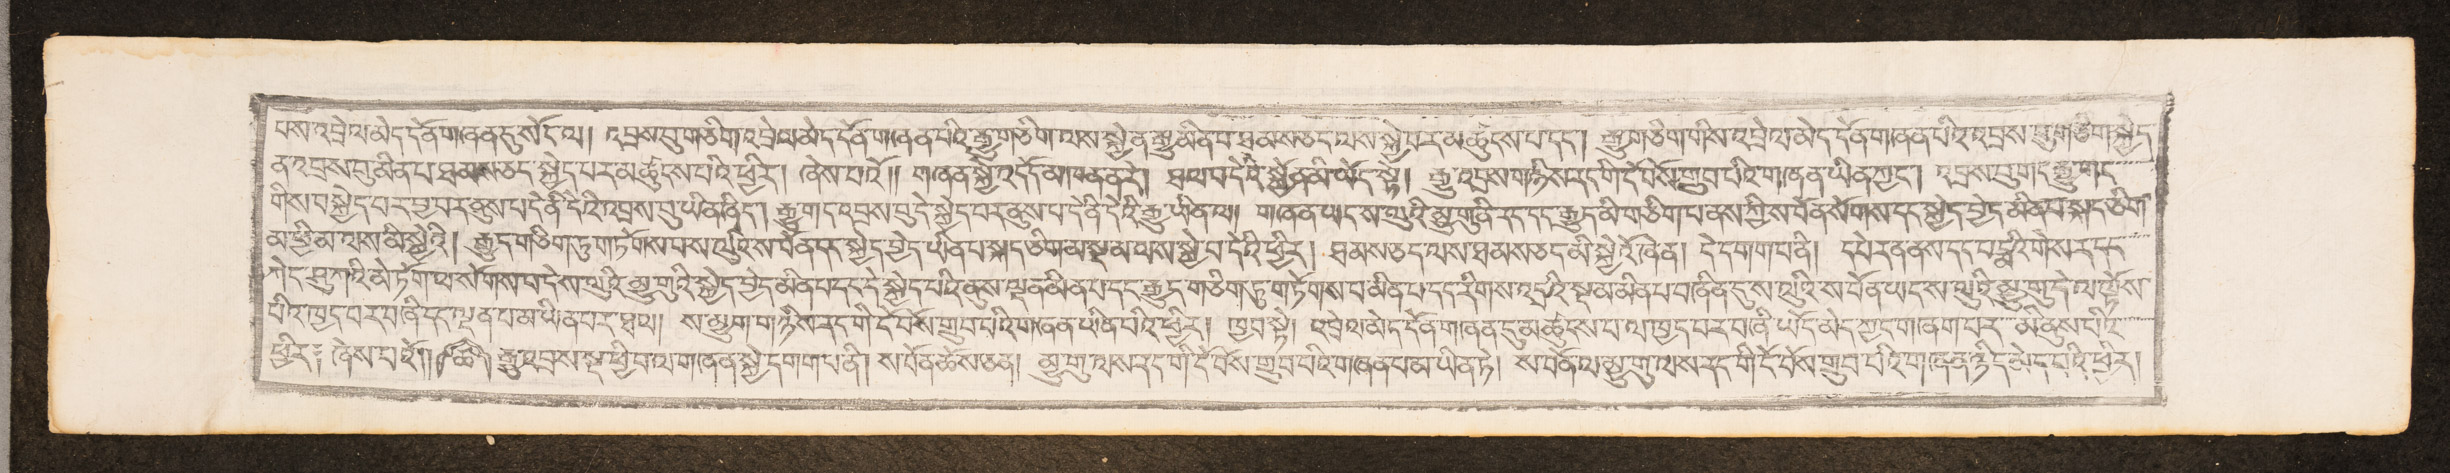།པས་འབྲེལ་མེད་དོན་གཞན་དུ་སོང་ལ། འབྲས་བུ་གཅིག་འབྲེལ་མེད་དོན་གཞན་པའི་རྒྱུ་གཅིག་ལས་སྐྱེ་ན་རྒྱུ་མིན་པ་ཐམས་ཅད་ལས་སྐྱེ་བར་མཚུངས་པ་དང་། རྒྱུ་གཅིག་གིས་འབྲེལ་མེད་དོན་གཞན་པའི་འབྲས་བ་ཨུ་གཅིག་སྐྱེད་
ན་འབྲས་བུ་མིན་པ་ཐམས་ཅད་སྐྱེད་པར་མཚུངས་པའི་ཕྱིར། ཞེས་པའོ།། གཞན་སྐྱེ་འདོད་མཁན་རེ། ཐལ་བ་དེའི་སྐྱོན་མི་ཡོད་སྟེ། རྒྱུ་འབྲས་གཉིས་རང་གི་ངོ་བོས་གྲུབ་པའི་གཞན་ཡིན་ཀྱང་། འབྲས་བུ་གང་རྒྱུ་གང་
གིས་བསྐྱེད་པར་བྱ་བར་བུས་པ་དེ་ནི་དེའི་འབྲས་བུ་ཡིན་ཞིང་། རྒྱུ་གང་བྲ་བུ་དེ་སྐྱེད་པར་ནྶུ་པ་དེ་ནི་དེའི་རྒྱུ་ཡིན་ལ། གཞན་ཡང་ས་ལུའི་མྱུ་གུ་ནི་རང་དང་རྒྱུད་མི་གཅིག་པ་ནས་ཀྱི་ས་བོན་སོགས་དང་སྐྱེད་བྱེད་མིན་པ་སྐད་ཅིག་
མ་ཕྱི་མ་ལས་མི་སྐྱེའོ། རྒྱུ་གཅིག་ཏུ་གཏོགས་པས་ལུའི་ས་བོན་དང་སྐྱེད་བྱེད་ཡིན་པ་ཀད་ཅིག་མ་སྔ་མ་ལས་སྐྱེ་བ་དེའི་ཕྱིར། ཐམས་ཅད་ལས་ཐམས་ཅད་མི་སྐྱེའོ་ཞེ་ན། དེ་དགག་པ་ནི། དཔེར་ན་ནས་དང་དཔར་ན་ནས་དང་པདམའི་གེ་སར་དང་
ཀེང་ཤུ་ཀའི་མེ་ཏོག་ལ་སོགས་པ་དེ་ས་ལུའི་མྱུ་གུའི་སྐྱེད་བྱེད་མིན་པ་དང་དེ་སྐྱེད་པའི་བུས་ལྡན་མིན་པ་དང་རྒྱུ་གཅིག་ཏུ་གཏོགས་པ་མིན་པ་དང་རིགས་འདྲའི་སྔ་མ་མིན་པ་བཞིན་དུ་ས་ལུའི་ས་བོན་ཡང་ས་ལུའི་མྱུ་གུ་དེ་ལས་ལྟོས་
པའི་ཁྱད་པར་བཞི་དང་ལྡན་པ་མ་ཡིན་པར་ཐལ། ས་མྱུག་གཉིས་རང་གི་ངོ་བོས་གྲུབ་པའི་གཞན་ཡིན་པའི་ཕྱིར། ཁྱབ་སྟེ། འབྲལ་མེད་དོན་གཞན་དུ་མཚུངས་པ་ལ་ཁྱད་པར་བཞི་ཡོད་མེད་ཀྱང་གཞག་པར་མི་ནུས་པའི་
ཕྱིར༑ ཞེས་པའོ།། ༼༽ཚ༼༽ རྒྱུ་འབྲས་སྔ་ཕྱི་བ་ལ་གཞན་སྐྱེ་དགག་པ་ནི། ས་བོན་ཆོས་ཅན། མྱུག་གུ་ལས་རང་གི་ངོ་བོས་གྲུབ་པའི་གཞན་པ་མ་ཡིན་ཏེ། ས་བོན་ལ་མྱུ་གུ་ལས་རང་གི་ངོ་བོས་གྲུབ་པའི་གཞན་ཉིད་མེད་པའི་ཕྱིར།